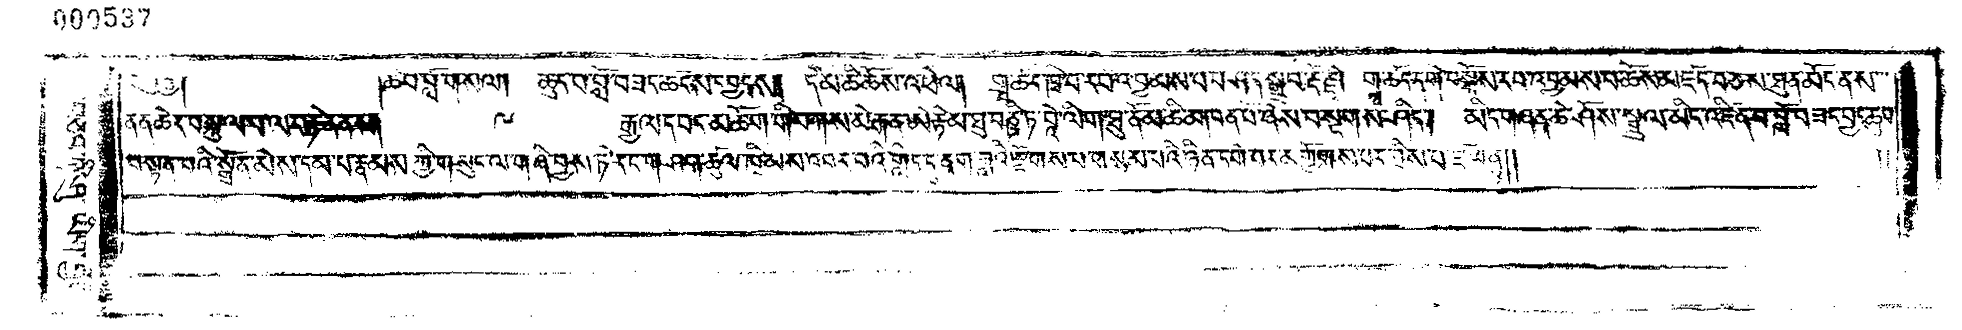༄༅། །ཆེ་བ་བློ་གསལ། ཆུང་བ་བློ་བཟང་ཚངས་དབྱངས། དེམ་ཆི་ཆོས་འཕེལ། གྲྭ་ཚང་ཁྲི་བ་རབ་འབྱམས་པ་བཤད་སྒྲུབ་རྡོ་རྗེ། གྲྭ་ཚང་དགེ་བསྐོས་རབ་འབྱམས་པ་ཆོས་མཛད་བཅས་ཐུན་མོང་ནས་
ནན་ཆེར་བསྐུལ་བ་ལ་བརྟེན་ནས། ༈ རྒྱལ་དབང་མཆོག་གི་བཀས་མེ་རྒན་ཨེ་རྟེམ་ཐུ་པཎྜི་ཏ་པE་ལིག་ཐུ་ནོ་མཆི་མཁན་པོ་ཞེས་བསྔགས་ཤིང་། མིང་གཞན་ཆེ་ཤོས་སྤྲུལ་མིང་འཛིན་པ་བློ་བཟང་བྱང་ཆུབ་
བསྟན་པའི་སྒྲོན་མེས་དམ་པ་རྣམས་ཀྱི་གསུང་ལ་གཞི་བྱས་ཏེ་རང་གཤག་ཚུལ་ཁྲིམས་འབར་བའི་གླིང་དུ་ནག་ཟླའི་རྫོགས་པ་གསུམ་པའི་ཉིན་དགེ་བར་མགྱོགས་པར་བྲིས་པ་ཛ་ཡནྟུ།། །།